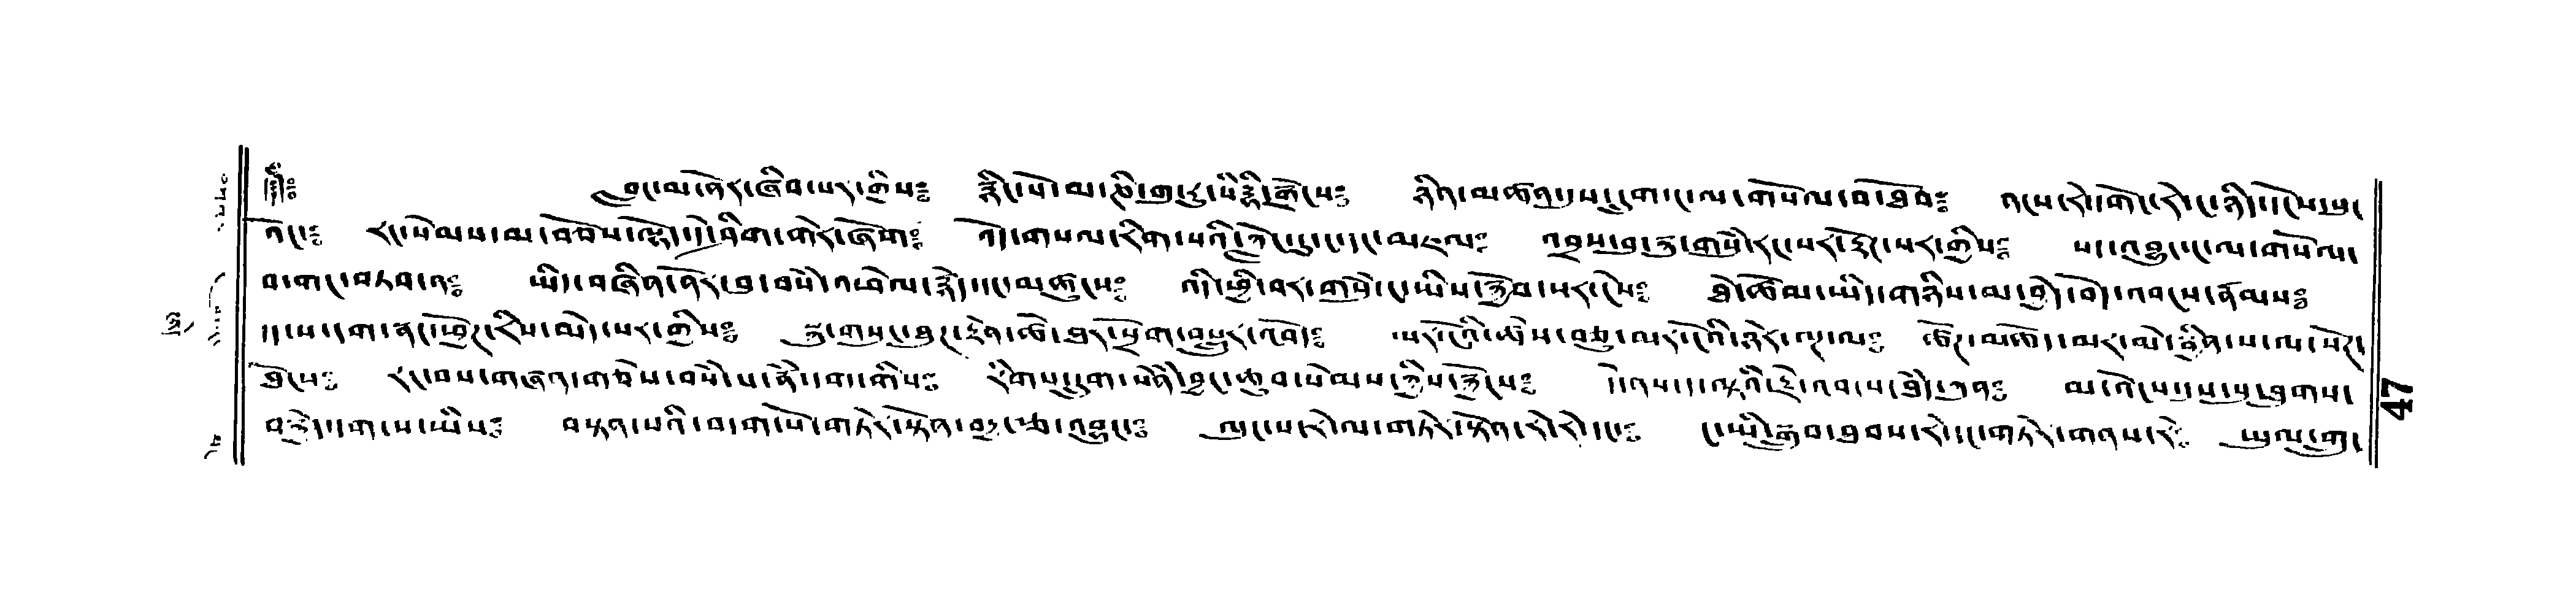བླང་མ་ནོར་ཞིབ་པར་གྱིས༔ སྙིང་པོ་མ་ཎི་གུ་རུ་སིདྡྷི་སྒྲོངས༔ ཉིན་མཚན་དུས་དྲུག་ང་ལ་གསོལ་བ་ཐོབ༔ ནངས་རེ་དགོང་རེ་ང་ཉིད་དངོས་སུ་
འོང༔ རང་སེམས་མ་བཅོས་ལྷོད་དེ་ཤིག་གེར་ཞོག༔ འོད་གསལ་རིག་པའི་ཀློང་དུ་ང་དང་མཇལ༔ འབྲས་བུ་སྐུ་གསུམ་རང་སར་རྟོགས་པར་གྱིས༔ པད་འབྱུང་ང་ལ་གསོལ་
བ་གང་བཏབ་ན༔ ཡིད་བཞིན་ནོར་བུ་བསམ་འཕེལ་རྙེད་དང་མཚུངས༔འདི་ཕྱི་བར་གསུམ་ང་ཡིས་སྐྱོབ་པར་ངེས༔ ཐེ་ཚོམ་ཡིད་གཉིས་མ་བྱེད་བོད་འབངས་རྣམས༔ 
དད་པ་དག་སྣང་ཕྱོགས་རིས་མེད་པར་གྱིས༔ སྐུ་གསུང་ཐུགས་རྟེན་ཚེ་ཐར་སྲོག་བསླུར་འབོད༔ ཡར་ངོའི་ཚེས་བཅུ་མར་ངོའི་ཉེར་ལྔ་ལ༔ ཚོགས་མཆོད་མར་མེ་སྦྱིན་པ་ལ་སོགས་
ཐོངས༔ རང་བས་གཞན་གཅེས་བསམ་པ་རྣམ་དག་གིས༔ རིགས་དྲུག་སེམས་ཅན་བྱང་ཆུབ་སེམས་ཀྱིས་སྐྱོངས༔ དེ་ནས་ད་ལྟའི་རྗེ་འབངས་ཐམས་ཅད་ཀུན༔ མ་འོངས་དུས་སུ་ཐུགས་
བསྐྱེད་དག་པ་ཡིས༔ བསྟན་པའི་བདག་པོ་གཏེར་སྟོན་བརྒྱ་རྩ་འབྱུང༔ ལུང་པ་རེ་ལ་གཏེར་སྟོན་རེ་རེ་དང༔ ང་ཡི་སྒྲུབ་ཐབས་རེ་དང་གཏེར་གནས་རེ༔ ཡུལ་གྲུ་